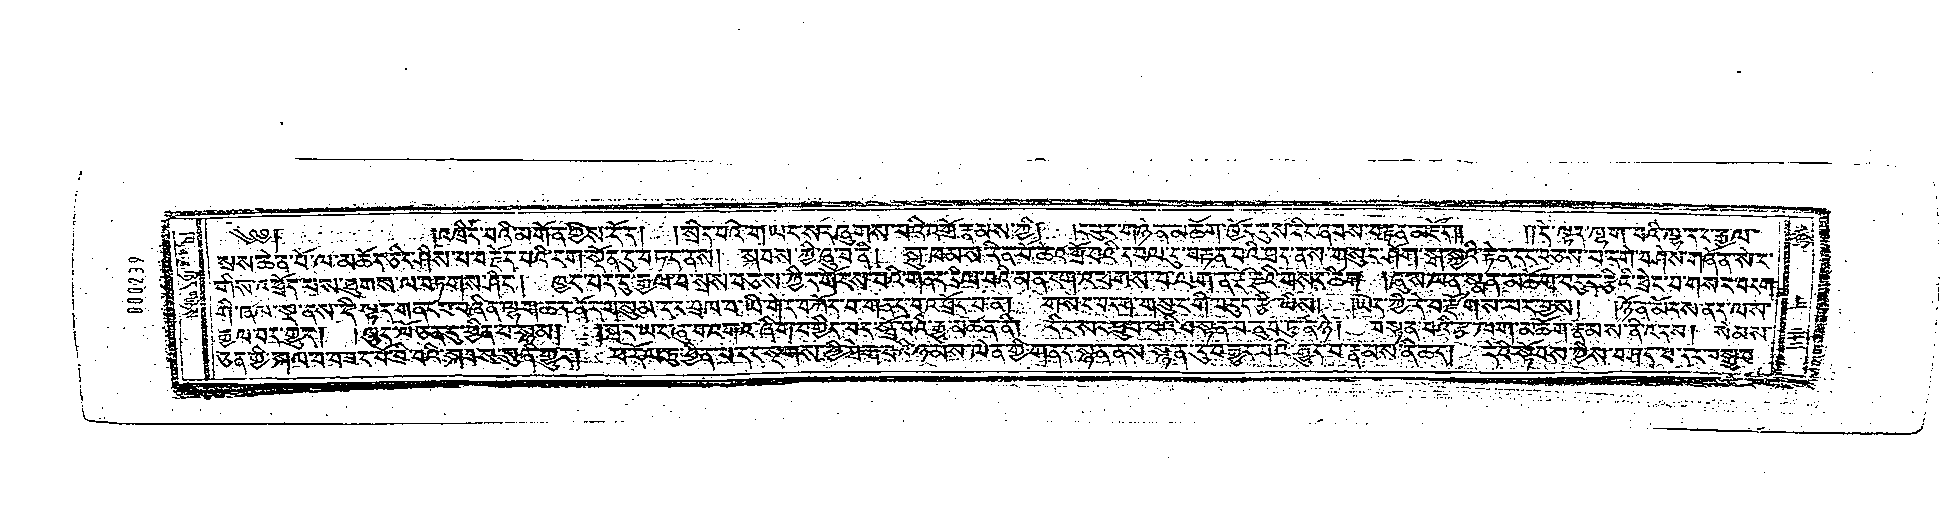༄༅། །འཁྲིད་བའི་མགོན་གྱིས་དོར། །སྲིད་པའི་གཡང་སར་ཞུགས་པའི་འགྲོ་རྣམས་ཀྱི། །དཔུང་གཉེན་མཆོག་ཁྱོད་དུས་རིང་ཞབས་བརྟན་མཛོད།། །།དེ་ལྟར་ལྷག་པའི་ལྷ་དང་རྒྱལ་
སྲས་ཆེན་པོ་ལ་མཆོད་ཅིང་ཤིས་པ་བརྗོད་པའི་ངག་སྔོན་དུ་བཏང་ནས། སྐབས་ཀྱི་ཞུ་བ་ནི། སྐུ་ཁམས་རིན་པོ་ཆེ་འགྲོ་བའི་དབལ་དུ་བརྟན་པའི་ཐད་ནས་གསུང་ཤོག་སྒ་སྐྱའི་རྟེན་དང་བཅས་པ་དགེ་བཤེས་གཞོན་སེང་
གིས་འཕྲོད་པས་ཐུགས་ལ་བཏགས་ཤིང་། ཁྱད་པར་དུ་རྒྱལ་བ་སྲས་བཅས་ཀྱི་དགོངས་པའི་གནད་དྲིལ་བའི་མན་ངག་འཕགས་པ་ལག་ན་རྡོ་རྗེའི་གསང་ཚིག །ཞུས་ལན་སྨན་མཆོག་བདུད་རྩིའི་ཕྲེང་བ་གསང་བདག་
གི་ཞལ་སྡ་ནས་ཇི་ལྟར་གནང་བ་བཞིན་ལྷག་ཆད་ནོར་གསུམ་རང་བྲལ་བ་ཡི་གེར་བཀོད་པ་གནང་བ་འཕྲོད་བ་ན། གསང་བདག་གསུང་གི། བདུད་རྩི་ཡིས། །ཡིད་ཀྱི་དེ་བ་རྫོགས་པར་བྱས། །ཉོན་མོངས་ནད་ལས་
རྒྱལ་བར་གྱུར། །ལྕད་ལོ་ཅན་དུ་ཕྱིན་པ་སྙམ། །སླར་ཡང་ཞུ་བ་འགའ་ཞིག་བགྱིད་བད་སྤྲོ་བའི་རྒྱུ་མཚན་ནི། དིང་སང་ཐུབ་པའི་བསྟན་པ་ནུབ་ཏུ་ནི་ཉེ། བསྟན་བའི་རྩ་ལག་མཆོག་རྣམས་ནི་འདས། སེམས་
ཅན་གྱི་སྐལ་བ་བཟང་བོ་བྲི་བའི་སྐབས་སུ་ཞི་གྱུར། ཕ་རོལ་ཏུ་ཕྱིན་པ་དང་སྔགས་ཀྱི་ཐེག་པའི་ཉམས་ལེན་གྱི་གནང་སྙན་ནས་སྙན་དུ་བརྒྱུད་པའི་རྒྱུད་བ་རྣམས་ནི་ཆད། དེའི་སྟོབས་ཀྱིས་བཤད་བ་དང་བསྒྲུབ་